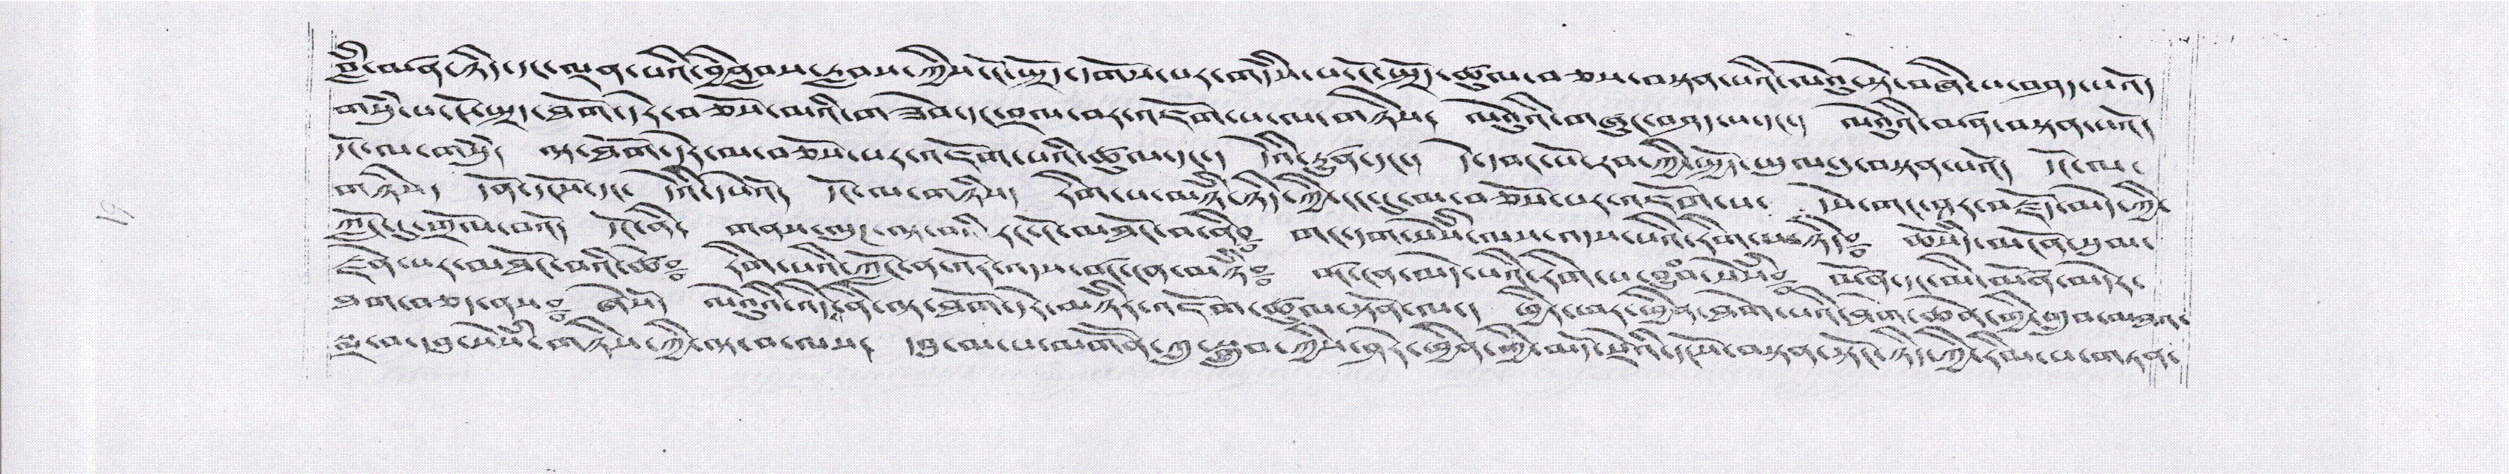བླ་མ་མཚན་ཉིད་དང་ལྡན་པའི་བྱིན་རླབས་ཀྱིས་ངོ་སྤྲོད་དགོས་པར་གདམས་པ་ངོ་སྤྲོད་ཚུལ་བཅས་བསྟན་པའི་ལེའུ་སྟེ་བཞི་པ་བཤད་པའོ། 
གསུམ་པ་ངོ་སྤྲོད་ཐོག་དེར་བཅོས་མའི་གཟེབ་དང་བྲལ་བར་འཇོག་པ་ལ་གཉིས། ལེའུའི་གཞུང་བཤད་པ་དང་། ལེའུའི་མཚན་བསྟན་པའོ། 
དང་པོ་ལ་གསུམ། ལྟ་ཐོག་དེར་མ་བཅོས་པར་འཇོག་པའི་ཚུལ་དང་། དེའི་རྒྱུ་མཚན་དང་། དེ་དབང་པོ་རབ་ཀྱི་སྤྱོད་ཡུལ་དུ་བསྟན་པའོ། དང་པོ་ལ་
གཉིས། དོན་དངོས་དང་། དེའི་དཔེའོ། དང་པོ་ལ་གཉིས། རིག་པ་མཉམ་ཉིད་ཀྱི་ངང་དུ་མ་བཅོས་པར་འཇོག་པ་དེས་གང་ཤར་བརྗོད་མེད་ཀྱི་
ཀློང་དུ་གྲོལ་བའོ། དང་པོ་ནི། གནས་ལུགས་ལྟ་བའི་རང་ངོ་མཐོང་བ་ནིཿ གང་དག་སེམས་ལས་འདས་པའི་རིག་པ་ཉིད། ཆོས་ཉིད་མངོན་སུམ་
རྗེན་པར་མཐོང་བའི་ཚེཿ རིག་པའི་ཀློང་ན་འཁོར་འདས་བཟང་ངན་མཉམཿ བཟང་ངན་མེད་པའི་རིག་པ་བྱང་ཆུབ་སེམསཿ མཚོན་དང་མི་མཚོན་མེད་པར་
ཐག་བཅད་ནསཿ ཞེས་སོ། ལེའུ་འདིས་ནི་ལྟ་ཐོག་དེར་མཉམ་པར་འཇོག་ཚུལ་སྟོན་ལ། ཕྱིར་ཕར་ཕྱིན་ཐེག་པའི་ཐེག་ཆེན་གྱི་གྲུབ་མཐའ་
སྨྲ་བ་དབུ་སེམས་གཉིས་ཀྱི་ལྟ་བ་ལས། དབུ་མ་པ་མགོན་པོ་ཀླུ་སྒྲུབ་ཀྱིས་ཤེར་ཕྱིན་གྱི་མདོ་སྡེའི་དངོས་བསྟན་སྟོང་ཉིད་ཀྱི་རིམ་པ་གཏན་